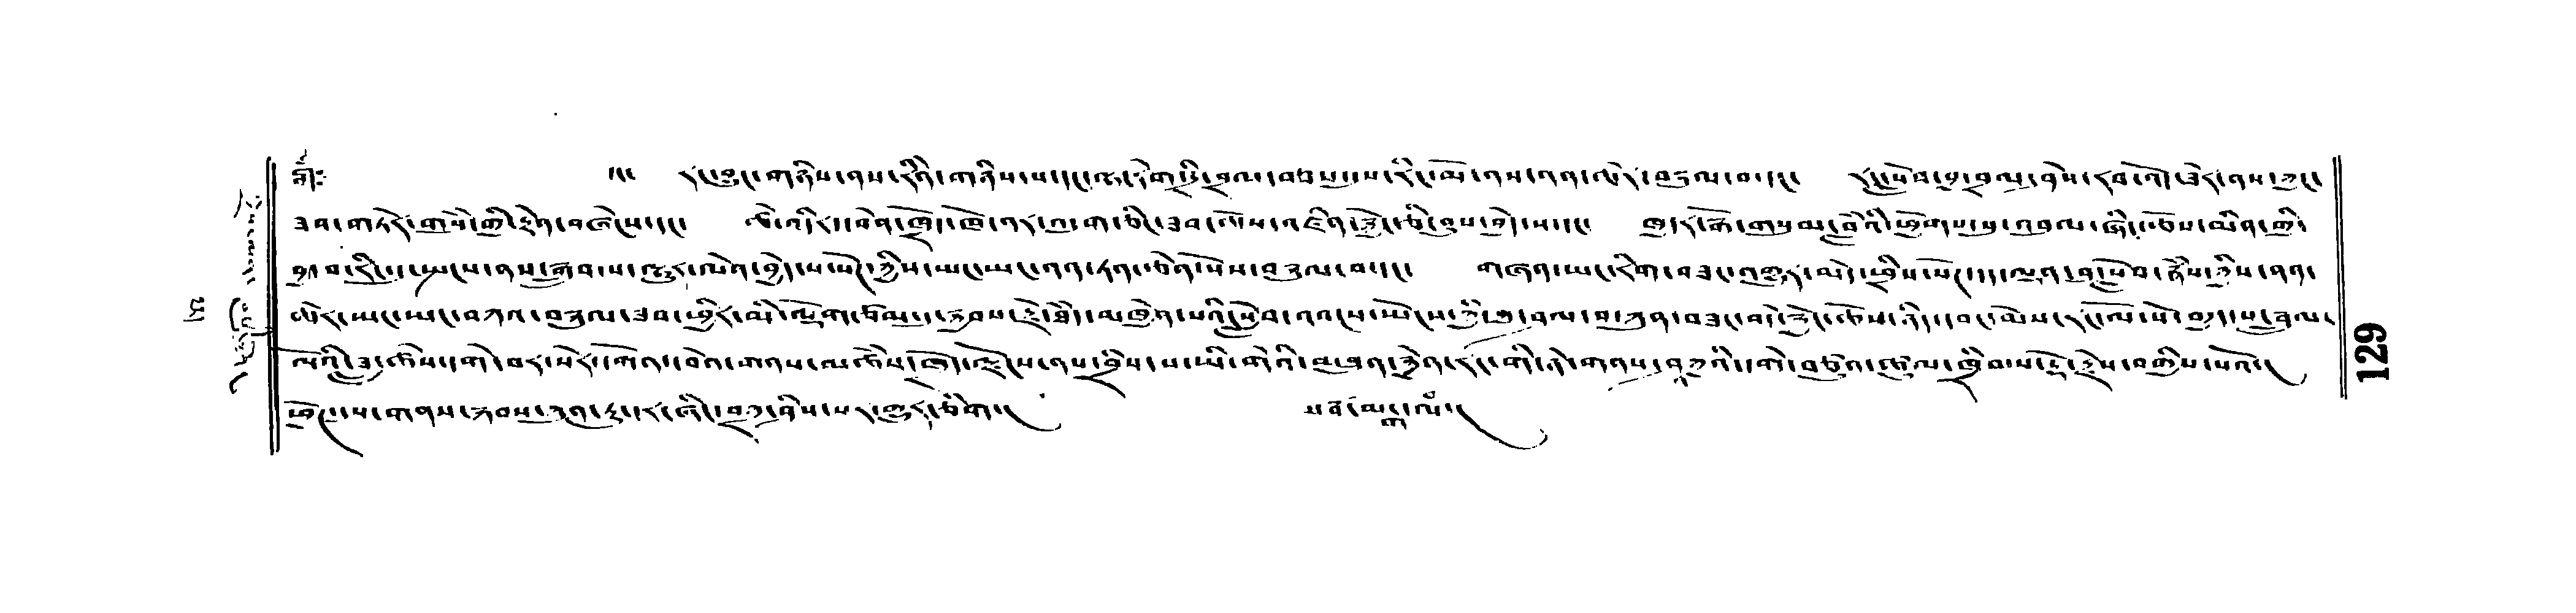དང་། རང་བྱུང་གཉིས་ནས་རིན་ཆེན་གཉིས་པ་དང་ལྷ་རེག་དྲི་བྲལ་བཅས་དུས་རིང་མོ་ནས་ནན་ཆེར་བསྐུལ་བ་དང་།རང་སློབ་བྱ་བྲལ་ཤེས་རབ་འོད་ཟེར་ནས་ཀྱང་
ཟབ་གཏེར་གསུམ་གྱི་རྟེན་བཞེངས་དང་། ཚེ་འདིར་དབེན་ཁྲོད་ཁོ་ནར་འདུག་ཅིང་ཟབ་ཆོས་འཛིན་སྐྱོང་ཅི་ནུས་བྱེད་པ་དང༔ ཁྱད་པར་སྒོ་གསུམ་བླ་མའི་ཕྱོགས་སུ་འབུལ་ཞིང་ཆོས་མིན་གྱི་
བྱ་བ་རིང་དུ་སྤངས་ནས་སྒྲུབ་པ་ལྷུར་ལེན་བྱེད་པ་སོགས་ཀྱིས་ཡང་ཡང་ནན་ཏན་ཆེན་པོས་བསྐུལ་བ་དང༔ གཞན་ཡང་རིགས་བཟང་འགྱུར་མེད་ཕྲིན་ལས་སོགས་དད་ལྡན་བུ་སློབ་རྣམས་ཀྱིས་ནན་
ཆེར་ཡང་ཡང་བཀའ་བསྐུལ་ཟབ་ཕྱིར་མ་ལྡོག་ཙམ་དུ་སྐྱབས་རྗེ་ཐམས་ཅད་མཁྱེན་པའི་སློབ་འབངས་ཡོངས་ཀྱི་ཐ་ཤལ་བ་ཀུན་བཟང་བདེ་སྐྱོང་ཆོས་ཉིད་དབང་མོས་རང་ལོ་སོ་བརྒྱད་པ་སྦྲུལ་
ལོའི་ཟླ་ཚེས་དགེ་བར་སེར་དགོན་དབེན་གནས་མཚམས་ཁྲོད་ལྗོངས་ནས་བྲིས་པ་ཡི་གེའི་མཐུན་རྐྱེན་རང་གི་ཉེ་གནས་ཤཱཀྱའི་དགེ་བཙུན་ཚུལ་ཁྲིམས་རྡོ་རྗེས་བགྱིས་པའོ།། 
ཕྱོགས་དུས་གནས་སྐབས་ཀུན་ཏུ་དར་ཞིང་བཀྲ་ཤིས་སར་གྱུར་ཅིག། སརྦ་མངྒ་ལཾ།།